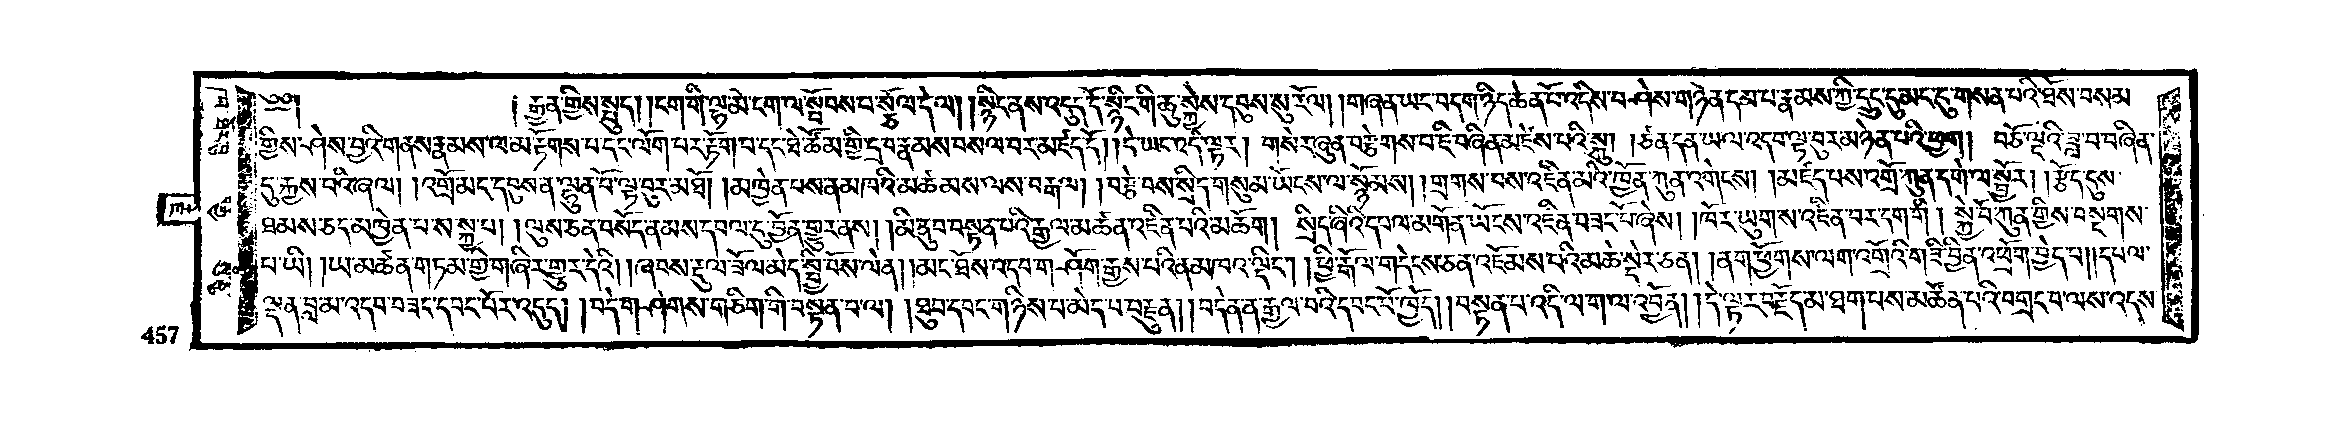༄༅། །རྒྱན་གྱིས་སྤུད། །ངག་གི་ལྷ་མོ་ངག་ལ་སྤོབས་པ་སྩོལ་དེ་ལ། །སྙིང་ནས་འདུད་དོ་སྙིང་གི་ཆུ་སྐྱེས་དབུས་སུ་རོལ། །གཞན་ཡང་བདག་ཉིད་ཆེན་པོ་འདིས་བཤེས་གཉེན་དམ་པ་རྣམས་ཀྱི་དྲུང་དུ་མང་དུ་གསན་པའི་ཐོས་བསམ་
གྱིས་ཤེས་བྱའི་གནས་རྣམས་ལ་མ་རྟོགས་པ་དང་ལོག་པར་རྟོག་པ་དང་ཐེ་ཚོམ་གྱི་དྲ་བ་རྣམས་བསལ་བར་མཛད་དོ། །དེ་ཡང་འདི་ལྟར། གསེར་ཞུན་བརྩེགས་པ་ཇི་བཞིན་མཛེས་པའི་སྐུ། །ཙན་དན་ཡལ་འདབ་ལྟ་བུར་མཉེན་པའི་ཕྱག། བཅོ་ལྔའི་ཟླ་བ་བཞིན་
དུ་རྒྱས་པའི་ཞལ། །འགྲོ་མང་དབུས་ན་ལྷུན་པོ་ལྟ་བུར་མཐོ། །མཁྱེན་པས་ནམ་མཁའི་མཚམས་ལས་བརྒལ། །བརྩེ་བས་སྲིད་གསུམ་ཡོངས་ལ་སྙོམས། །གྲགས་པས་འཛིན་མའི་ཁྱོན་ཀུན་འགེངས། །མཛད་པས་འགྲོ་ཀུན་དགེ་ལ་སྦྱོར། །རྩོད་དུས་
ཐམས་ཅད་མཁྱེན་པ་ས་སྐྱ་པ། །ལུས་ཅན་བསོད་ནམས་དཔལ་དུ་བྱོན་གྱུར་ནས། །མི་ནུབ་བསྟན་པའི་རྒྱལ་མཚན་འཛིན་པའི་མཆོག། སྲིད་ཞིའི་དཔལ་མགོན་ཡོངས་འཛིན་བཟང་པོ་ཞེས། །ཁོར་ཡུག་ས་འཛིན་པར་དག་གི །སྐྱེ་བོ་ཀུན་གྱིས་བསྔགས་
པ་ཡི། །ཡ་མཚན་གཏམ་གྱི་གཞིར་གྱུར་དེའི། །ཞབས་རྡུལ་ཟོལ་མེད་སྤྱི་བོས་ལེན། །མང་ཐོས་འདབ་གཤོག་རྒྱས་པའི་ནམ་མཁའ་ལྡིང་། །ཕྱི་རྒོལ་གདེངས་ཅན་འཇོམས་པའི་མཆེ་སྡེར་ཅན། །ནག་ཕྱོགས་ལག་འགྲོའི་གཟི་བྱིན་འཕྲོག་བྱེད་པ། །དཔལ་
ལྡན་བླ་མ་འདབ་བཟང་དབང་པོར་འདུད། །བདེ་གཤེགས་གཅིག་གི་བསྟན་པ་ལ། །ཐུབ་དབང་གཉིས་པ་མེད་པ་བརྫུན། །བདེན་ན་རྒྱལ་བའི་དབང་པོ་ཁྱོད། །བསྟན་པ་འདི་ལ་ག་ལ་འབྱོན། །དེ་ལྟར་བརྗོད་མ་ཐག་པས་མཚོན་པའི་བགྲང་བ་ལས་འདས་